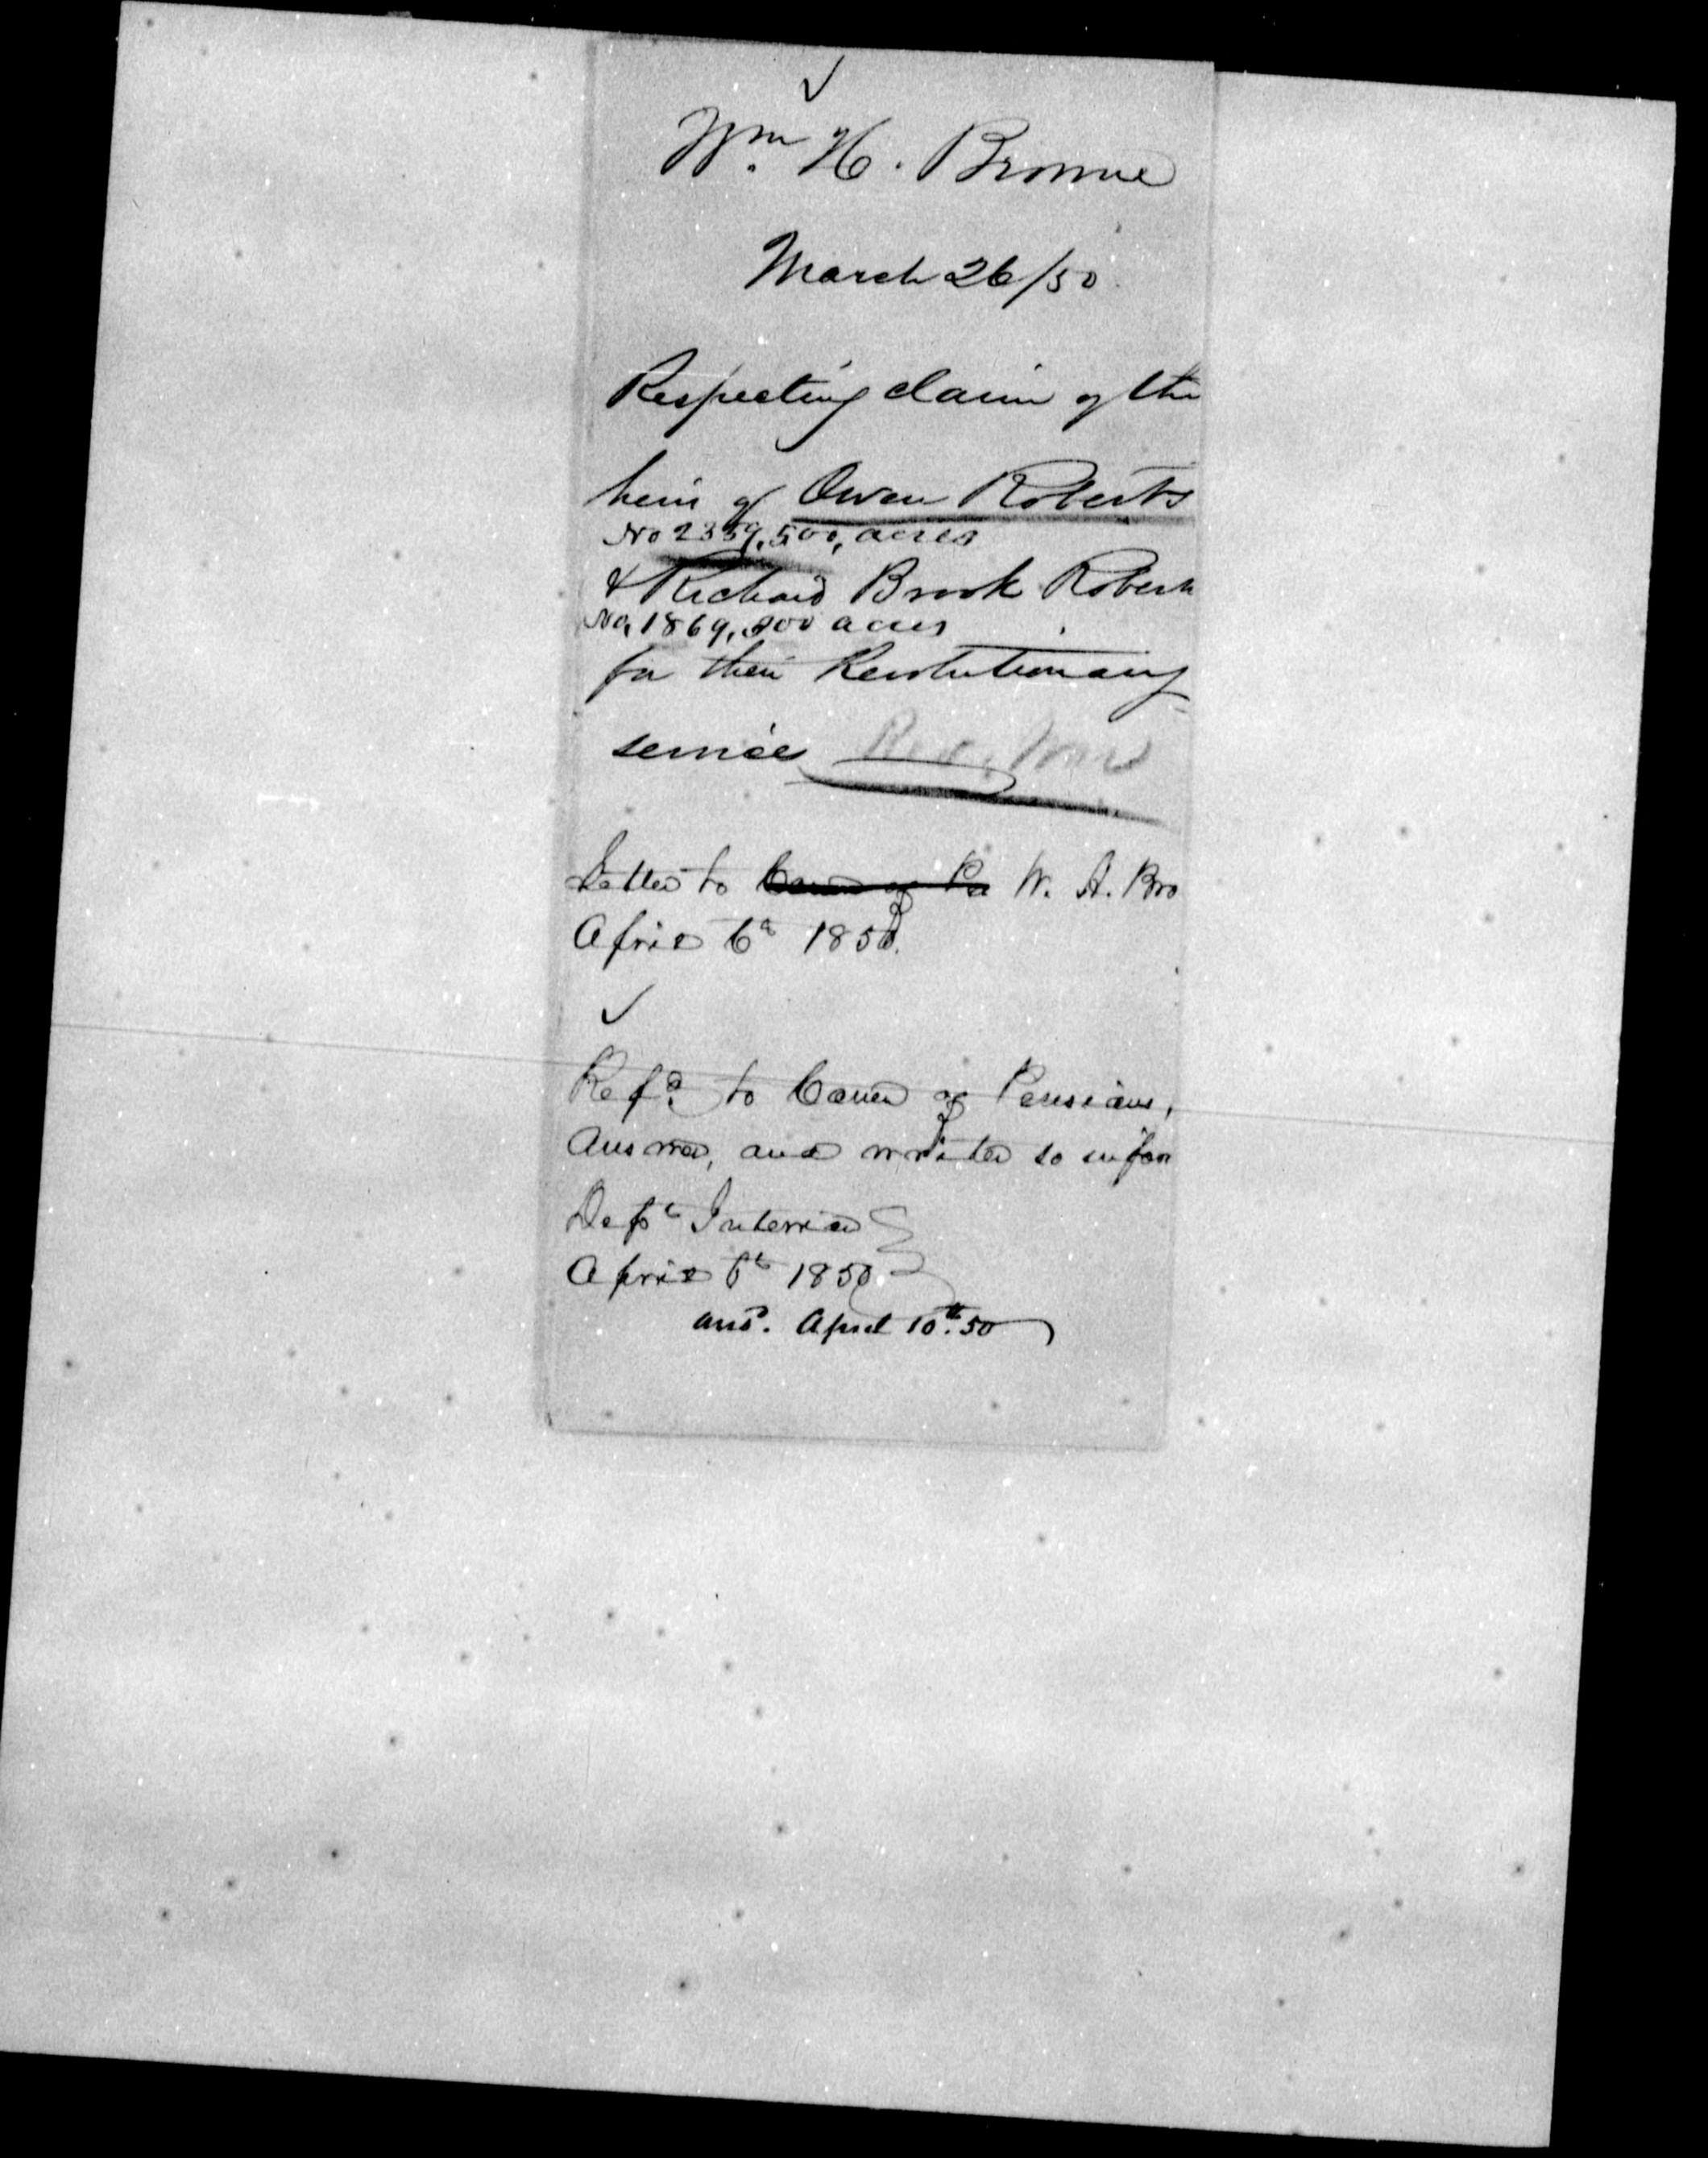Wm. H. Browne

March 26/50

Respecting claim of the 
heirs of Owen Roberts
No. 2359. 500 acres
& Richard Brook Roberts
No. 1869. 300 acres
for their Revolutionary
service  Rev. War

Letter to W. H. Browne
April 6th 1850.

Refd. to Comm. of Pensions
[illegible] and [illegible] to inform
Dept. of Interior
April 6th 1850

ansd. April 10th 50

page: 56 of 59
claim: bounty land warrant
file: B.L.Wt. 2359-500, for Owen Roberts, South Carolina